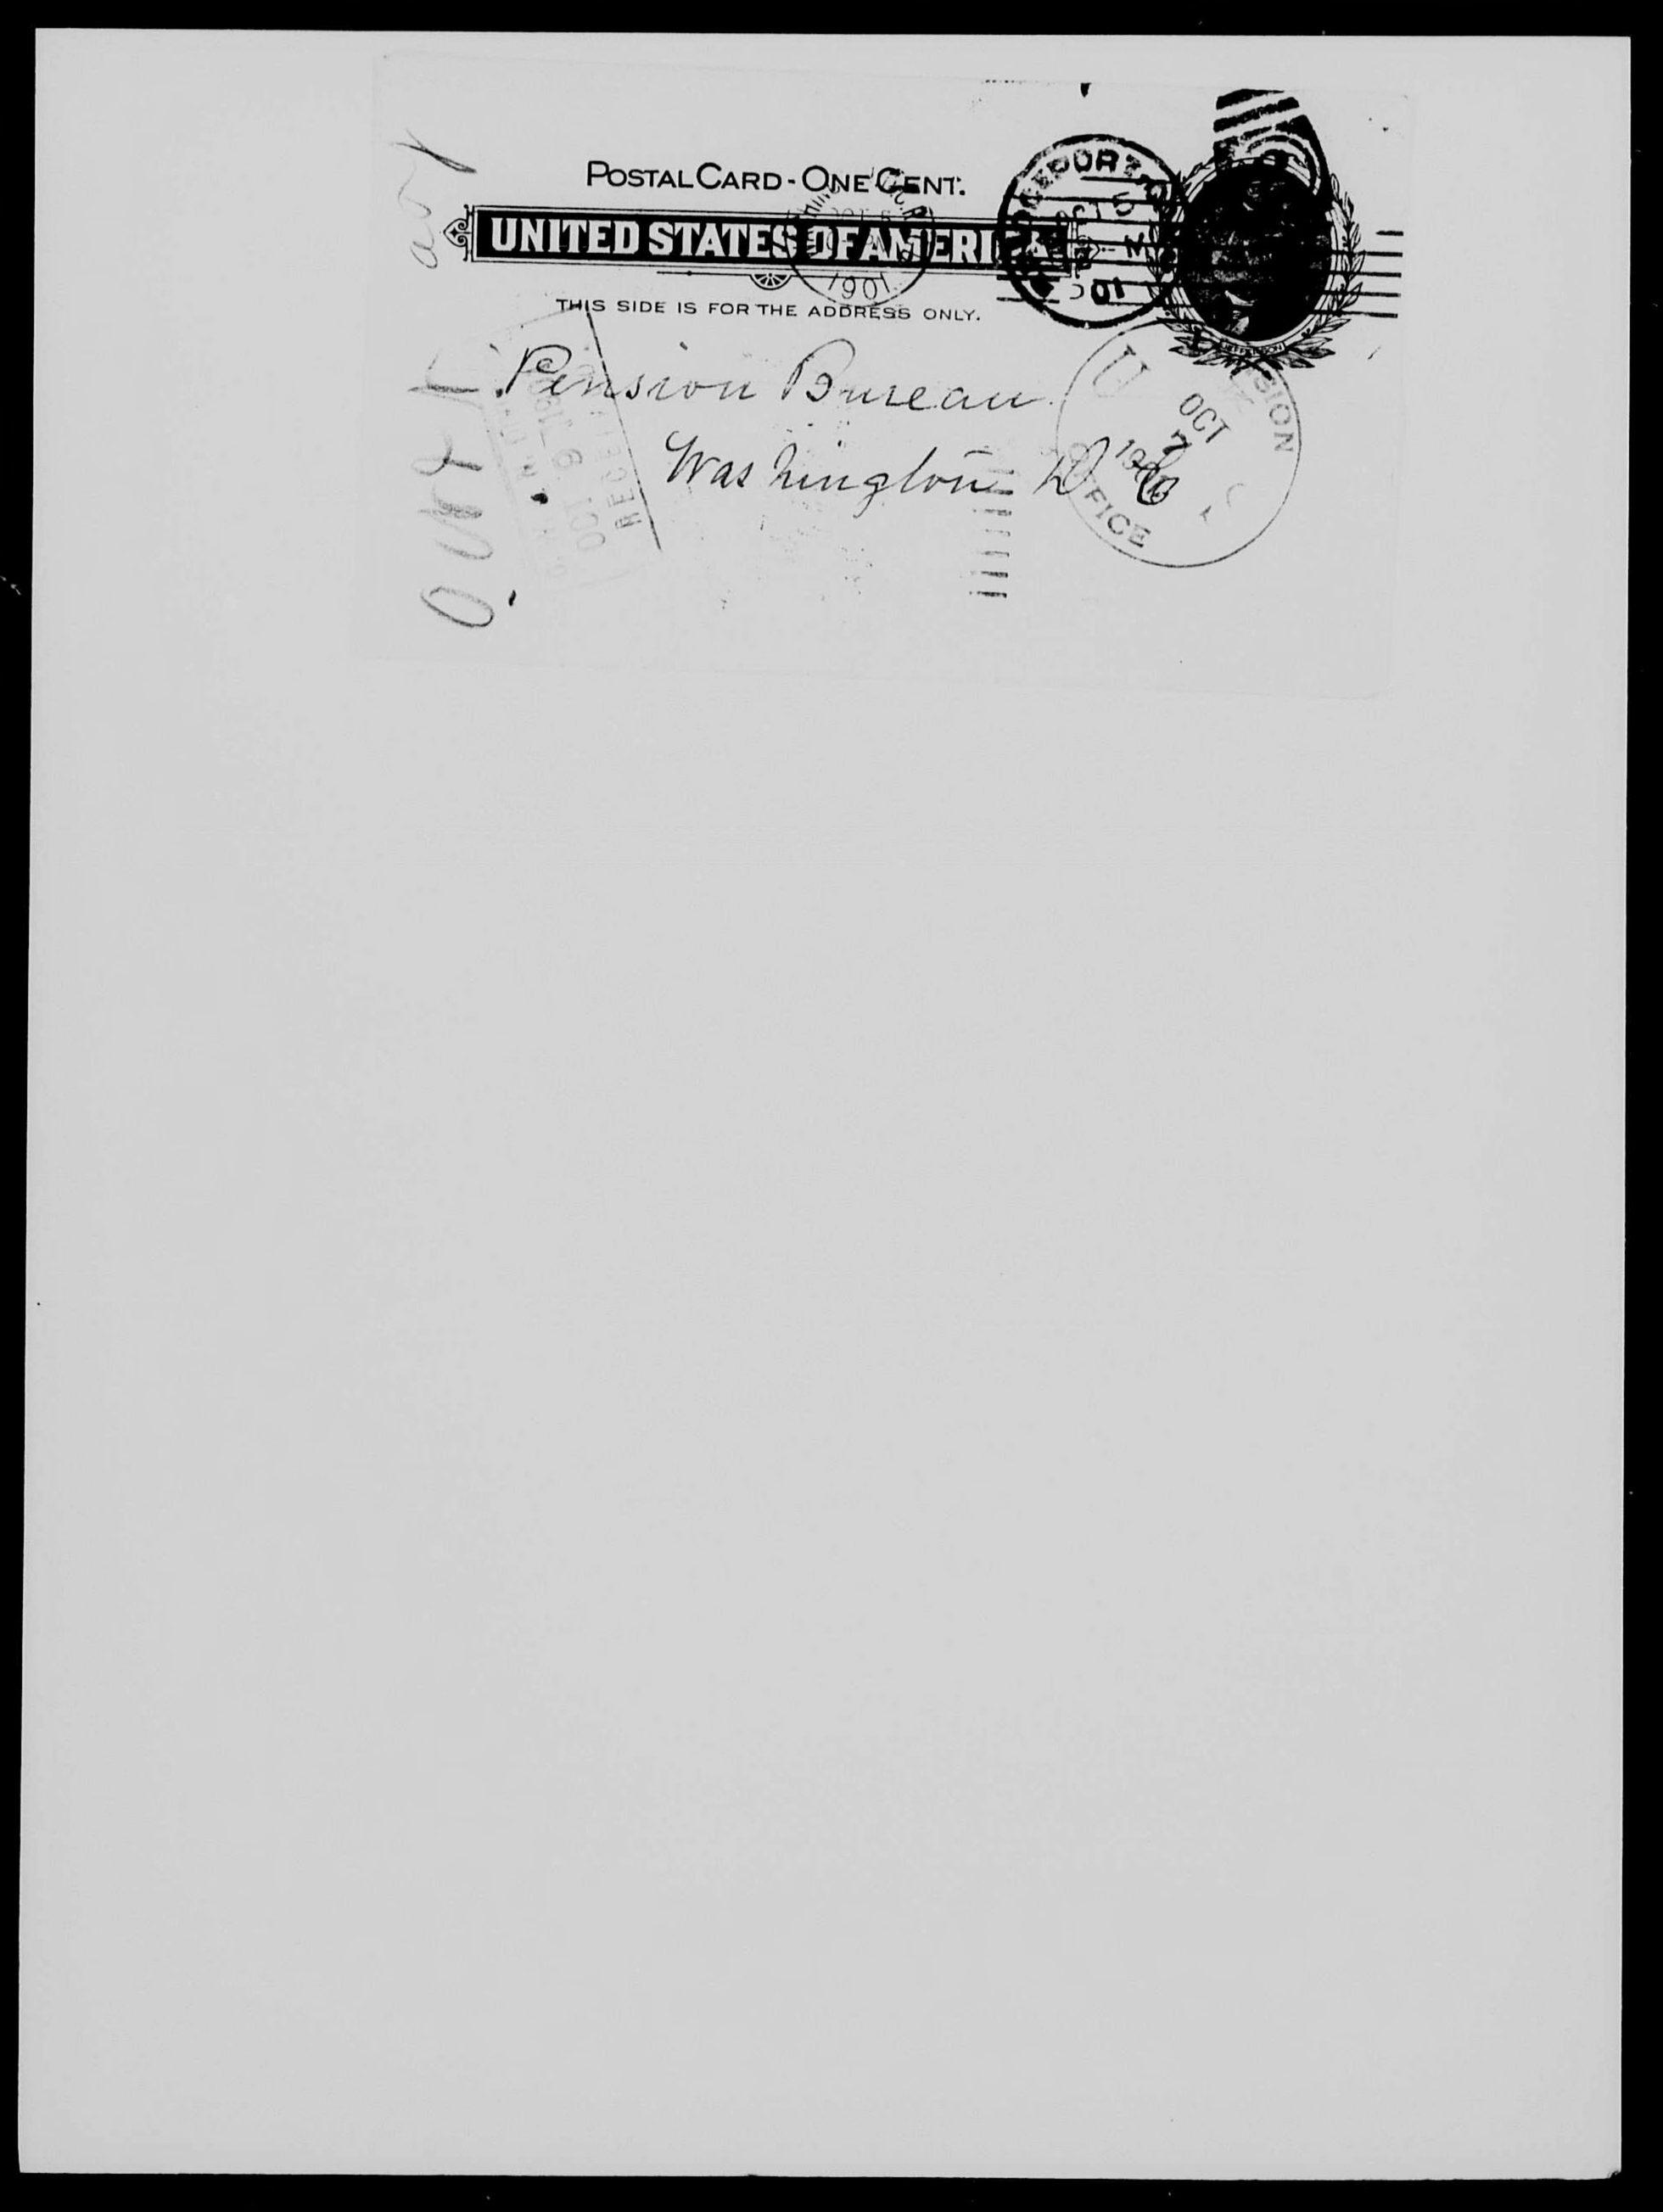Postal Card - One Cent
UNITED STATES OF AMERICA

Pension Bureau
Washington DC

Stamped:  Freeport, Oct 5, 01
Pension Office Oct 7 1901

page: 13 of 23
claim: survivor's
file: S. 37,750, Fanton Beers, Conn.